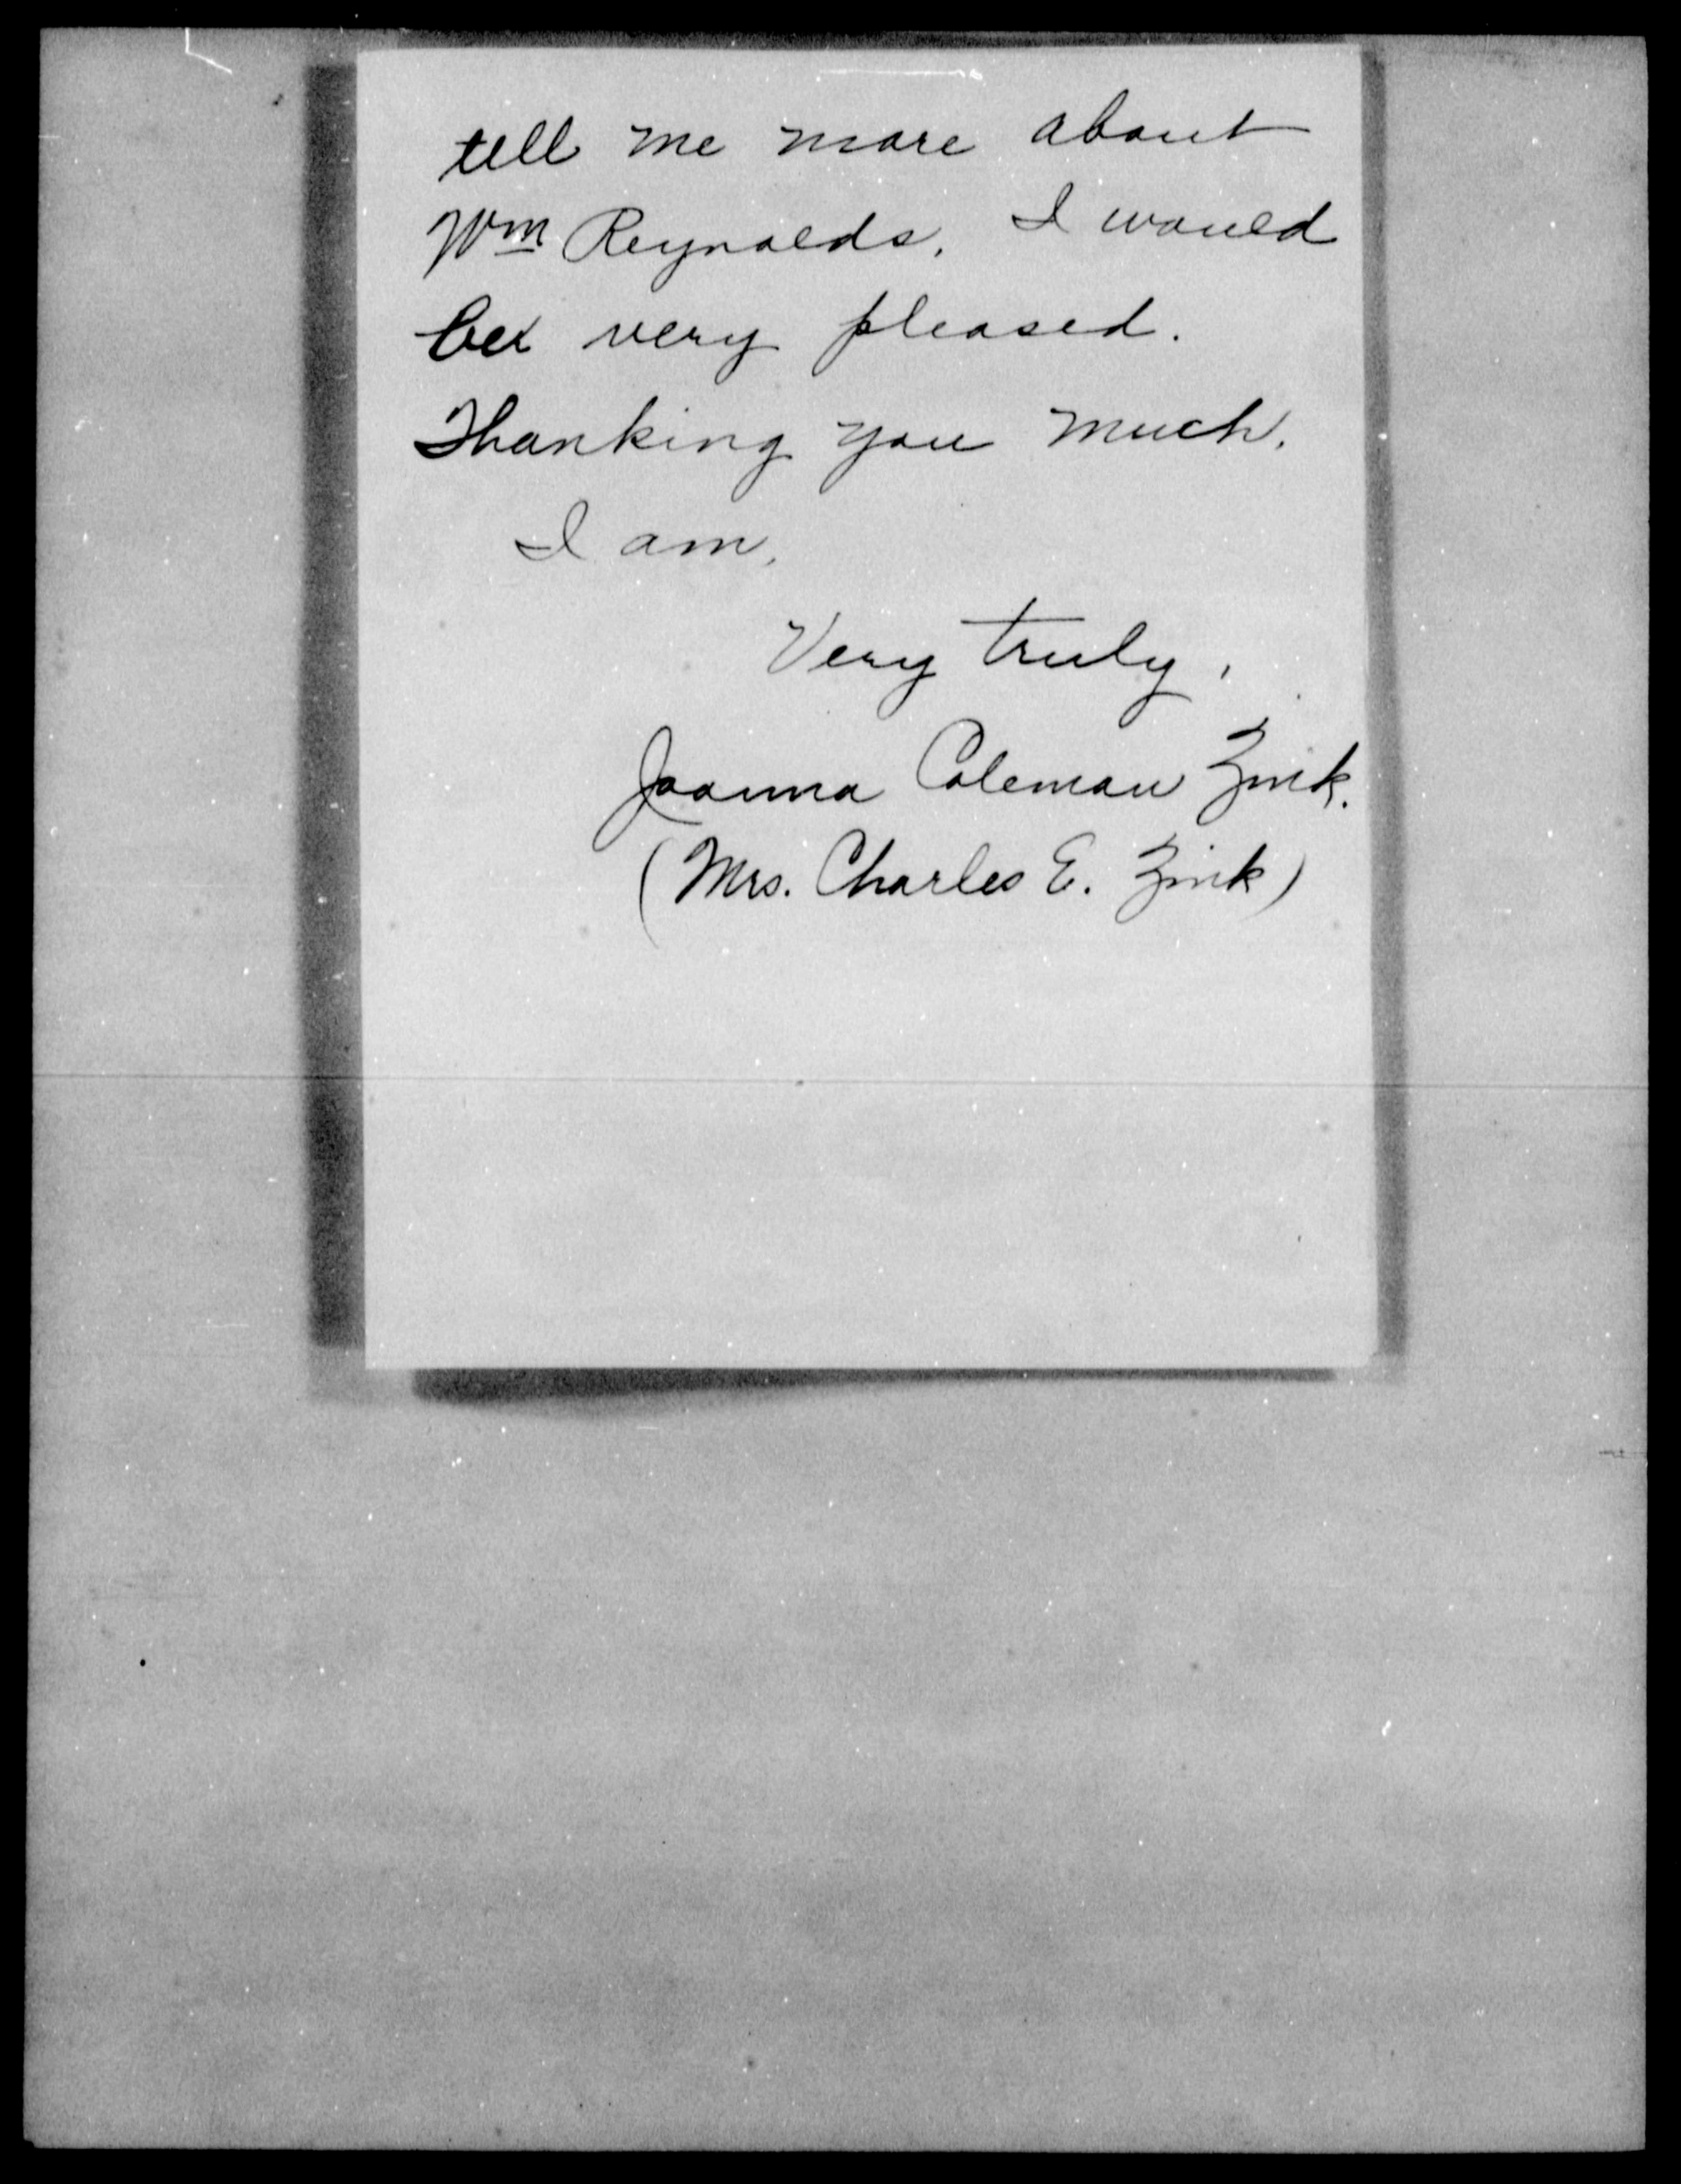tell me more
about
Wm Reynolds,
I would
be very pleased.
Thanking you much,
I am
Very truly
Joanna Coleman Zink
(Mrs. Charles E. Zink)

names: Joanna Coleman Zink; Wm Reynolds; Charles E Zink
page: 18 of 19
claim: survivor's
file: S. 14,273, for William Reynolds, Pennsylvania